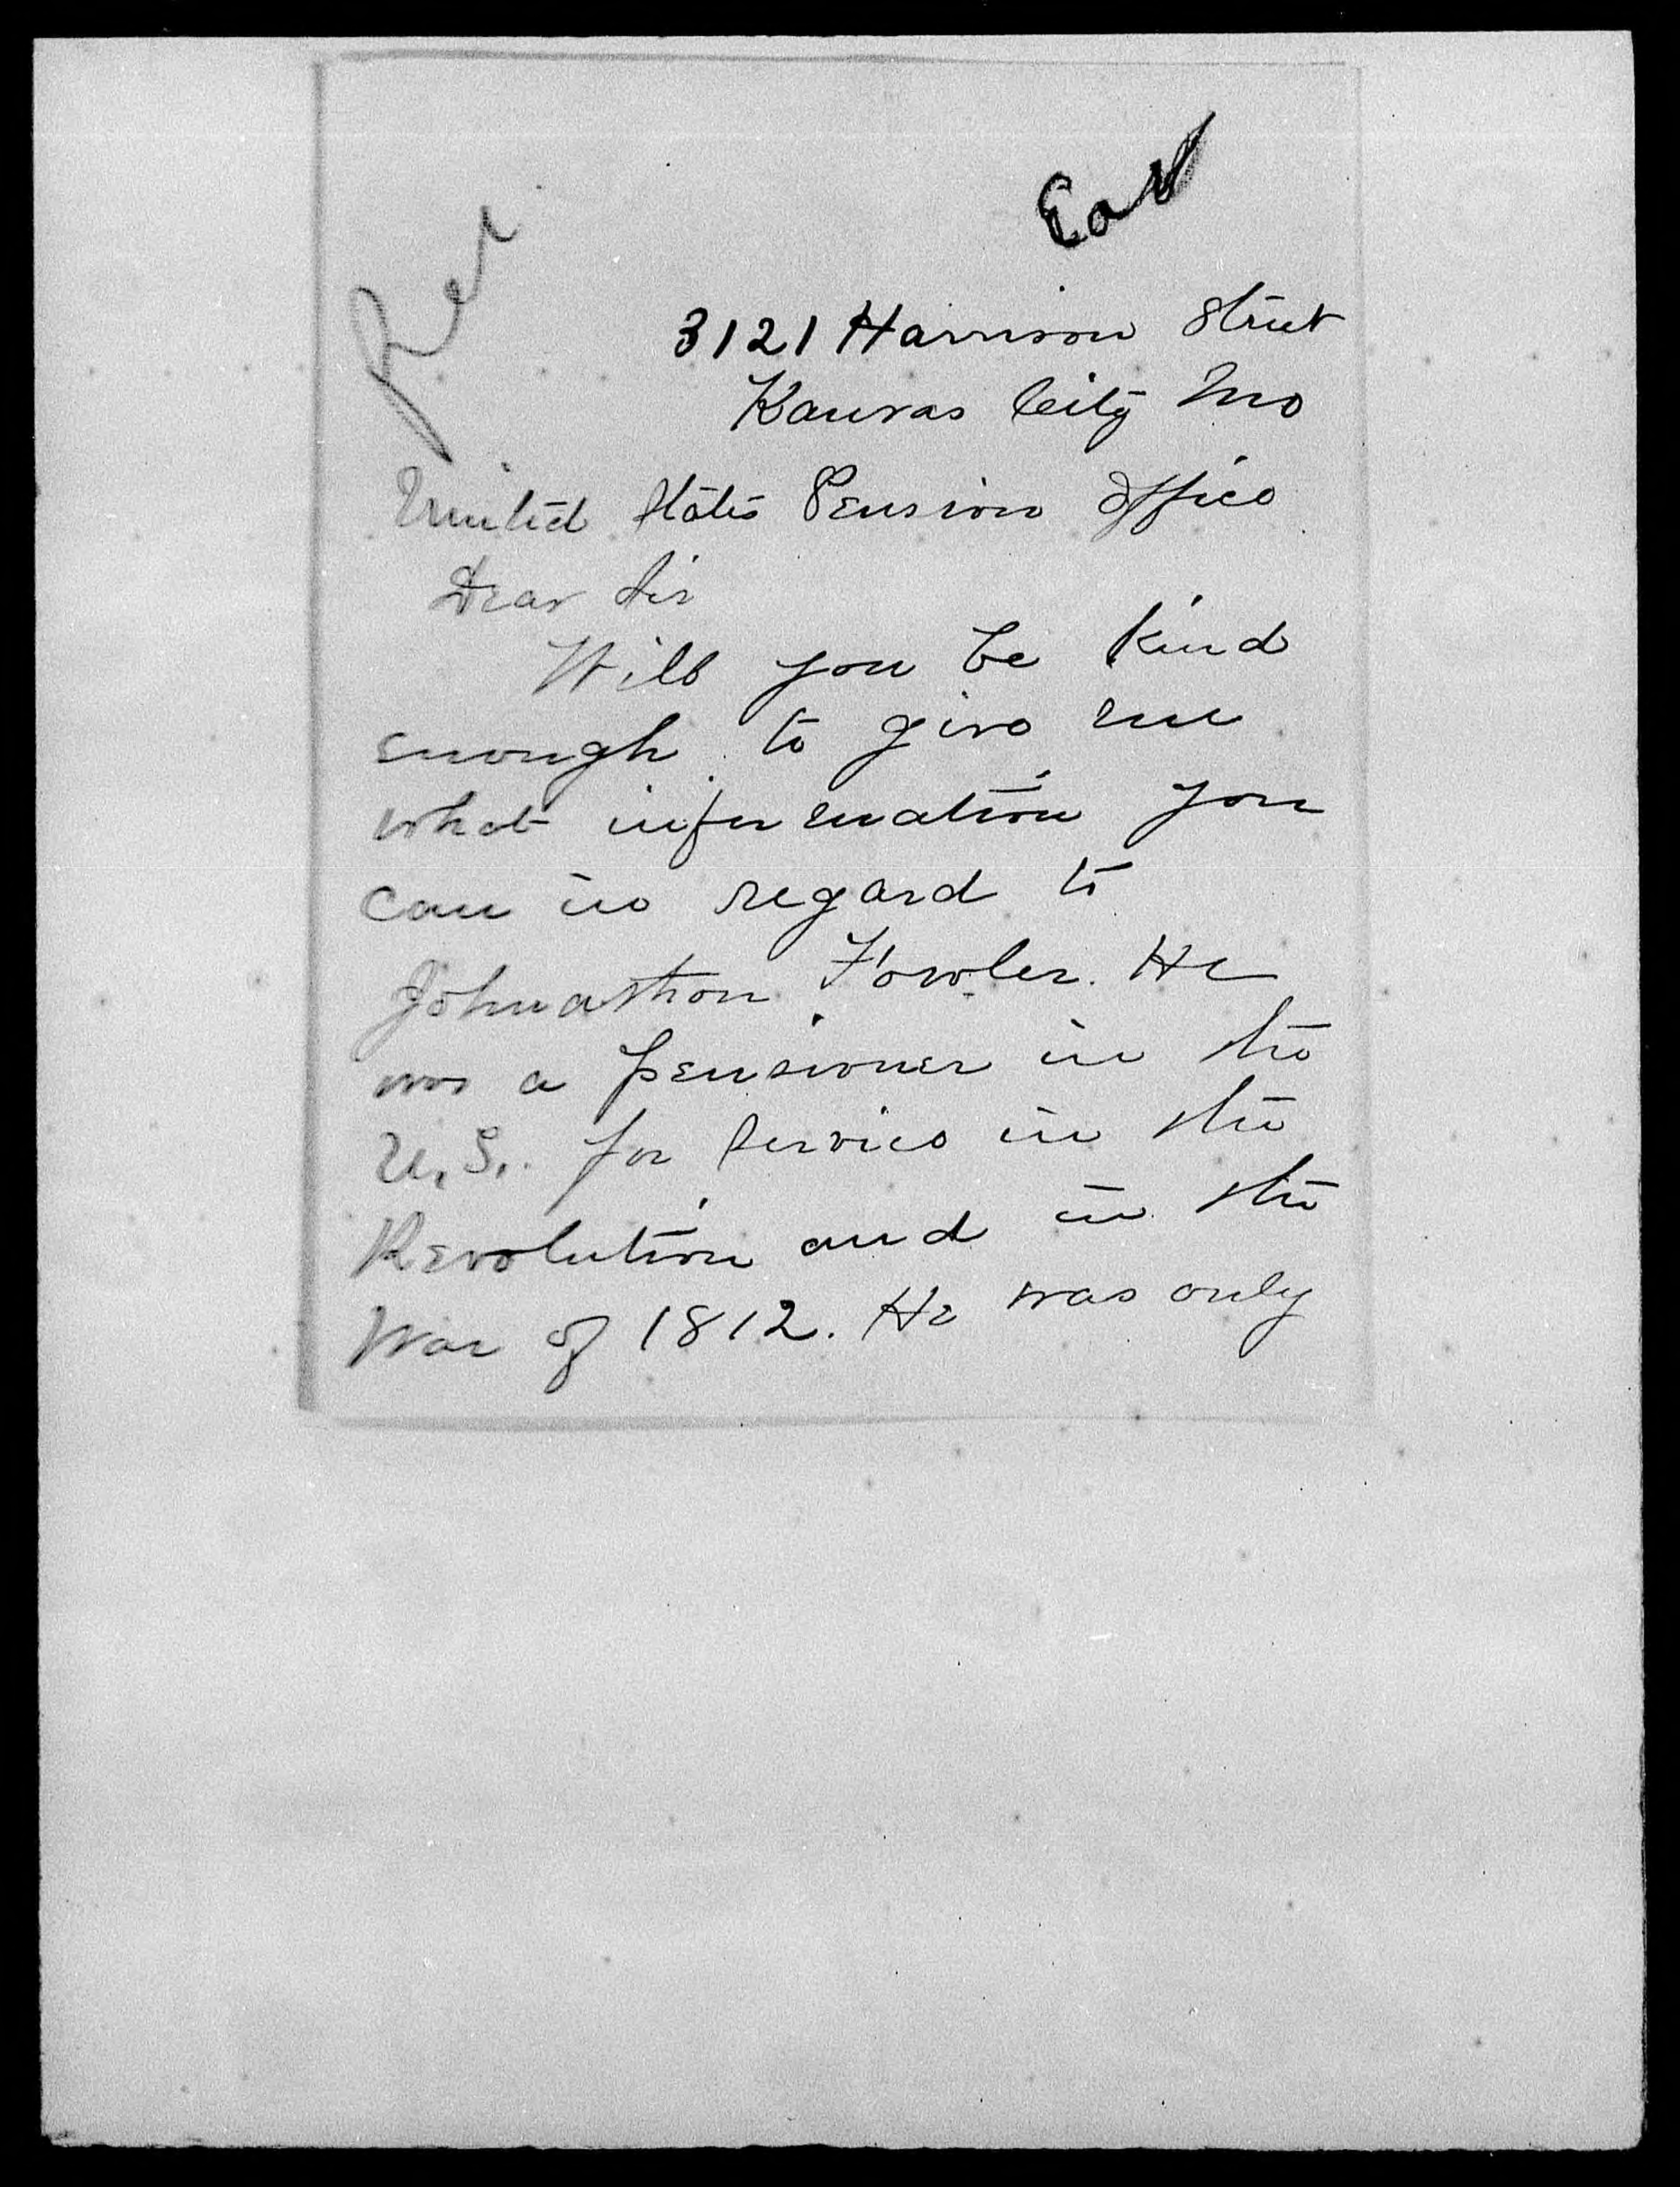Rev
3121 Harrison Street
Kansas City Mo
United States Pension Office
Dear Sir
Will you be kind enough to give me what information you can in regard to Johnathon Fowler. He was a pensioner in the U.S. for service in the Revolution and in the War of 1812. He was only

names: Johnathan Fowler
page: 13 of 44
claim: survivor's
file: S. 23639, Jonathan Fowler, New York